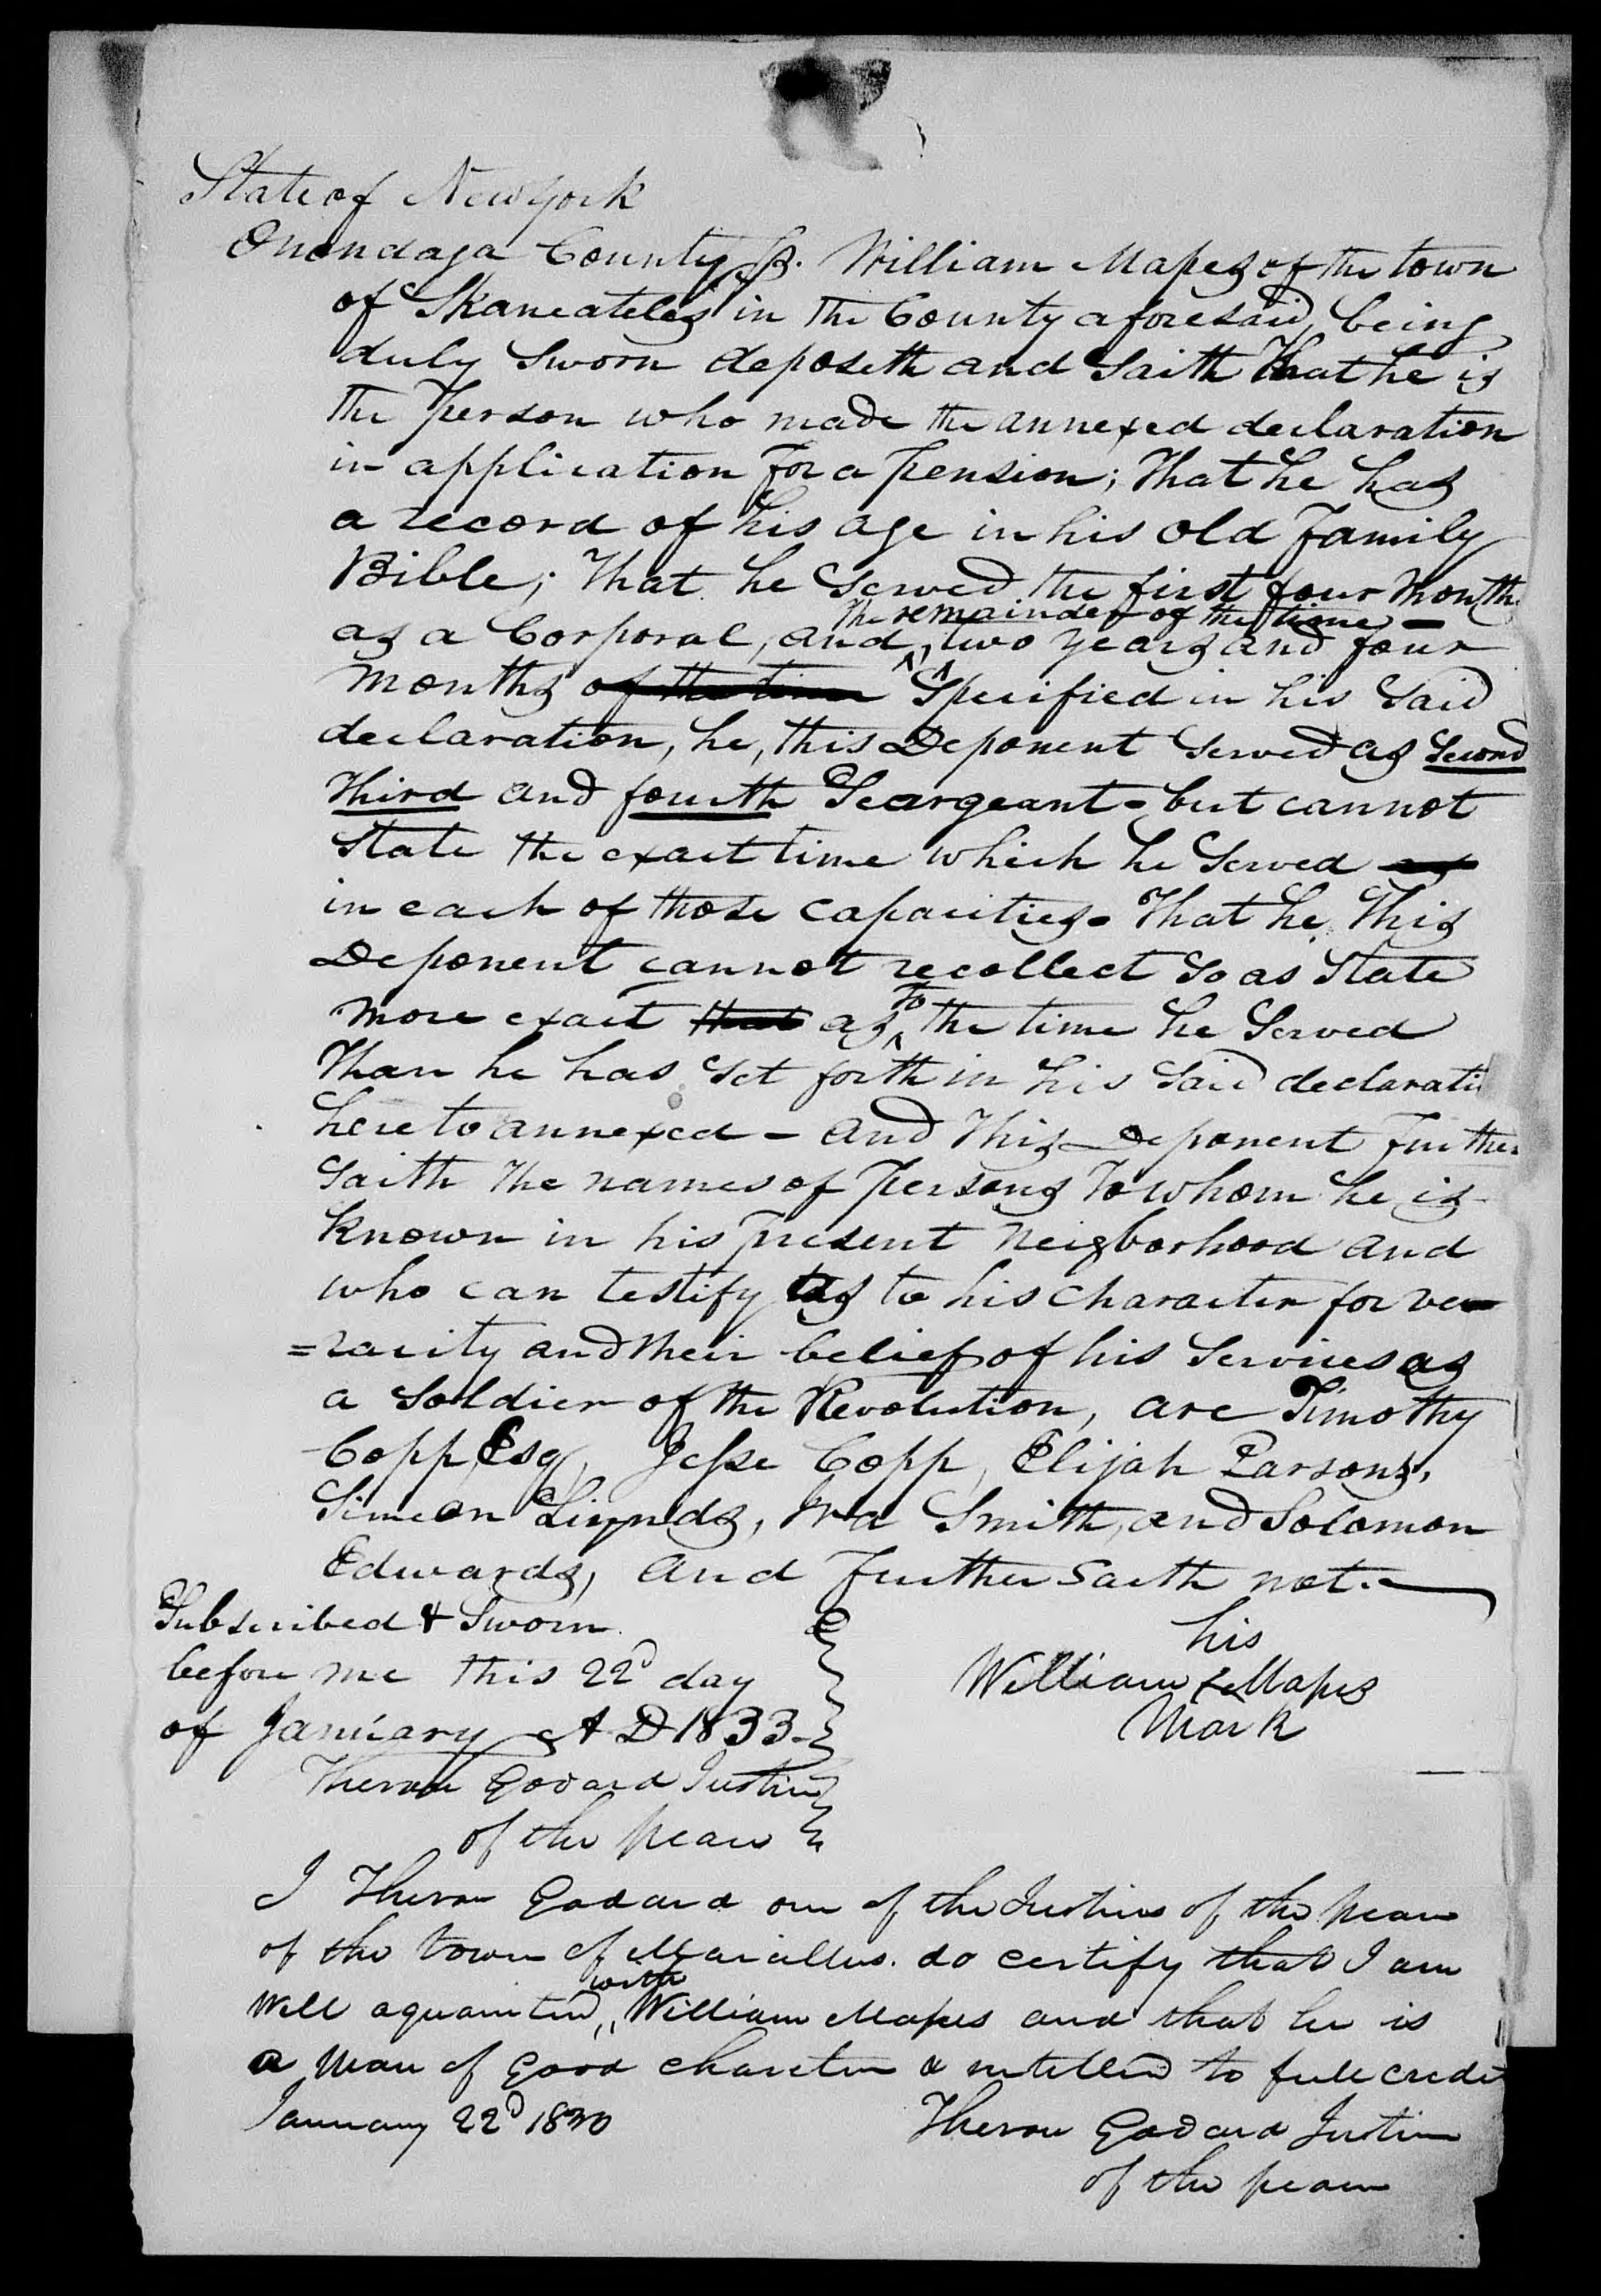State of New York 
Onondaga County ss 

William Mapes of the town of Skaneateles in the County aforesaid, being duly sworn deposeth and saith that he is the person who made the annexed declaration in application for a pension; that he has a record of his age in his old family Bible; that he served the first four Months as a Corporal, and the remainder of the time - two years and four months [“of the time” crossed out] specified in his said declaration, he, this Deponent served as Second Third and fourth Seargeant, but cannot State the exact time which he served in each of those capacities. 
That he this Deponent cannot recollect so as State more exact as to the time he served than he has set forth in his said declaration hereto annexed. -  And this deponent further saith the names of persons to whom he is known in his present neighborhood and who can testify as to his character for veracity and their belief of his Services as a soldier of the Revolution, are Timothy Copp Esq., Jesse Copp, Elijah Parsons, Simeon Lisp*nds, Ira Smith, and Solomon Edwards, and further saith not. 
William Mapes
his mark X

Subscribed & Sworn 
before me this 22d day 
of January A.D. 1833 

Theron[?] Godard Justice
of the peace

I Theron Godard one of the Justices of the peace of the town of Marcellus do certify that I am well acquainted with William Mares and that he is a man of Good character & entitled to full credit  
Theron Godard Justice 
of the peace
January 22d 1820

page: 10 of 30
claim: survivor's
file: S. 13,873, for William Mapes, New York